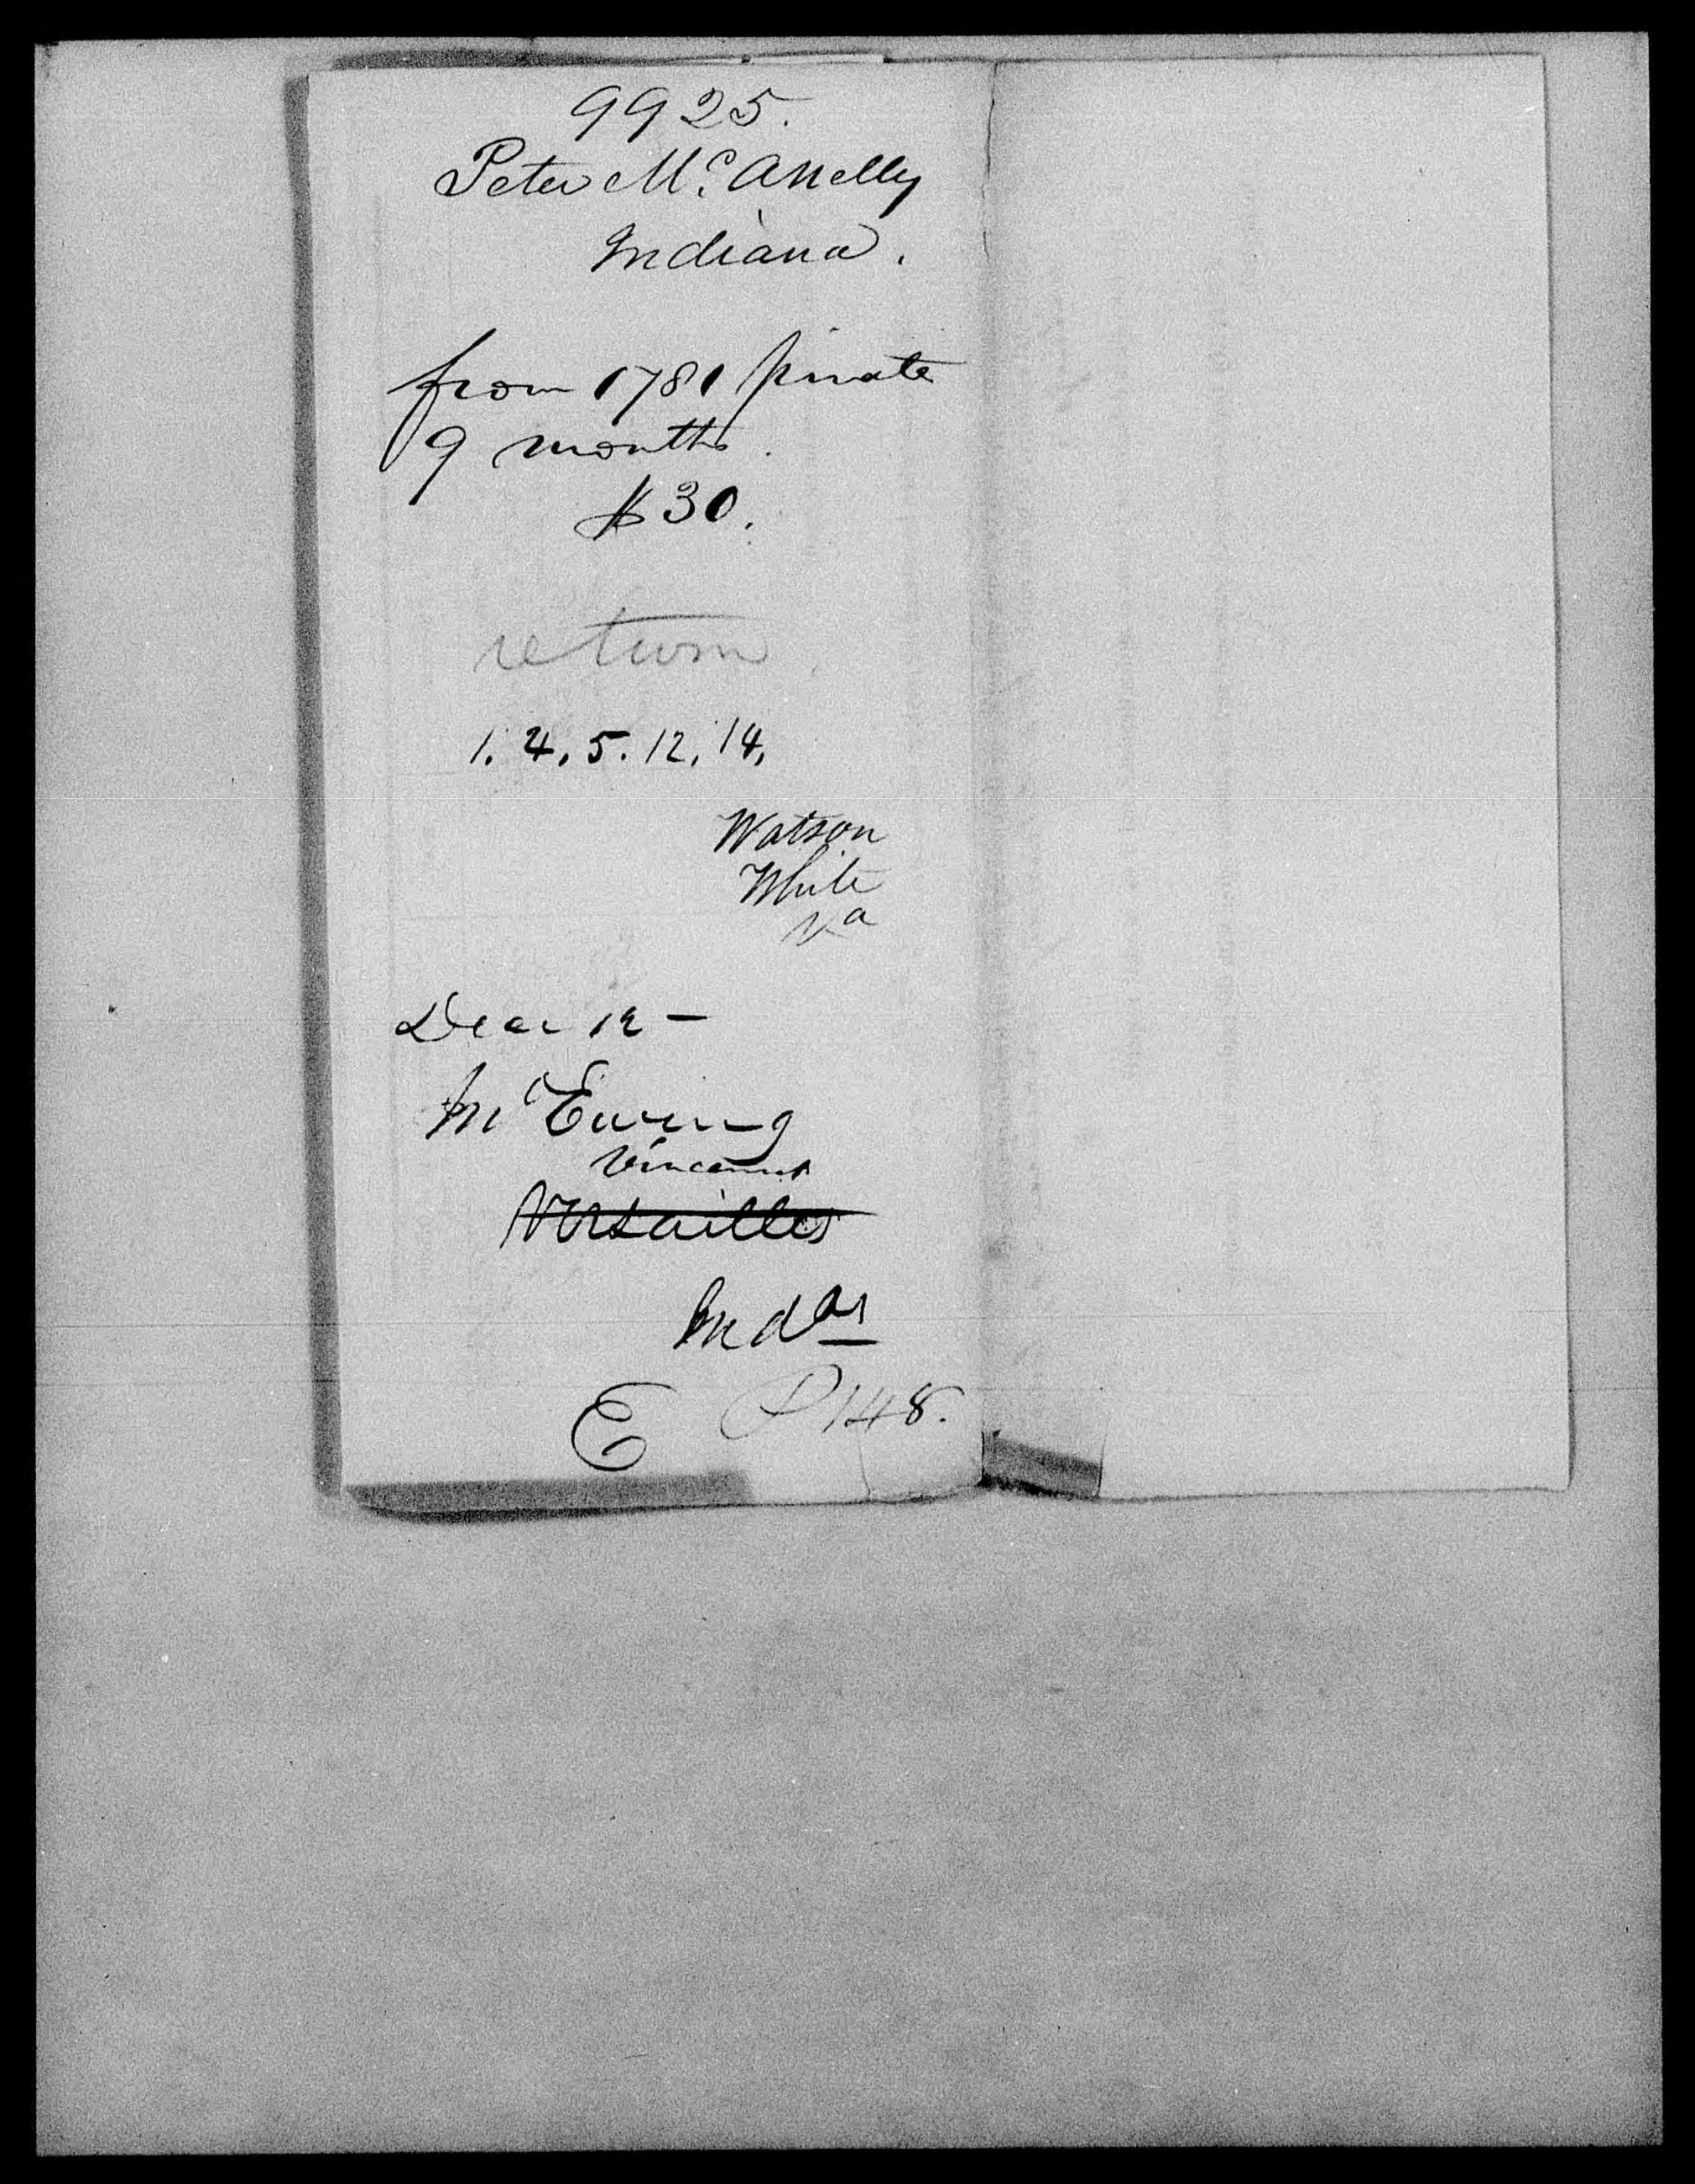9925
Peter McAnelly
Indiana

From 1781 private
9 months
$30

return
1, 4, 5, 12, 14,

Wattson
White
Va

Decr 12 - 
Jn Ewing
Vincennes
Inda
E P148.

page: 3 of 19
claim: survivor's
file: S. 16467, for Peter Mc Anelly, Virginia